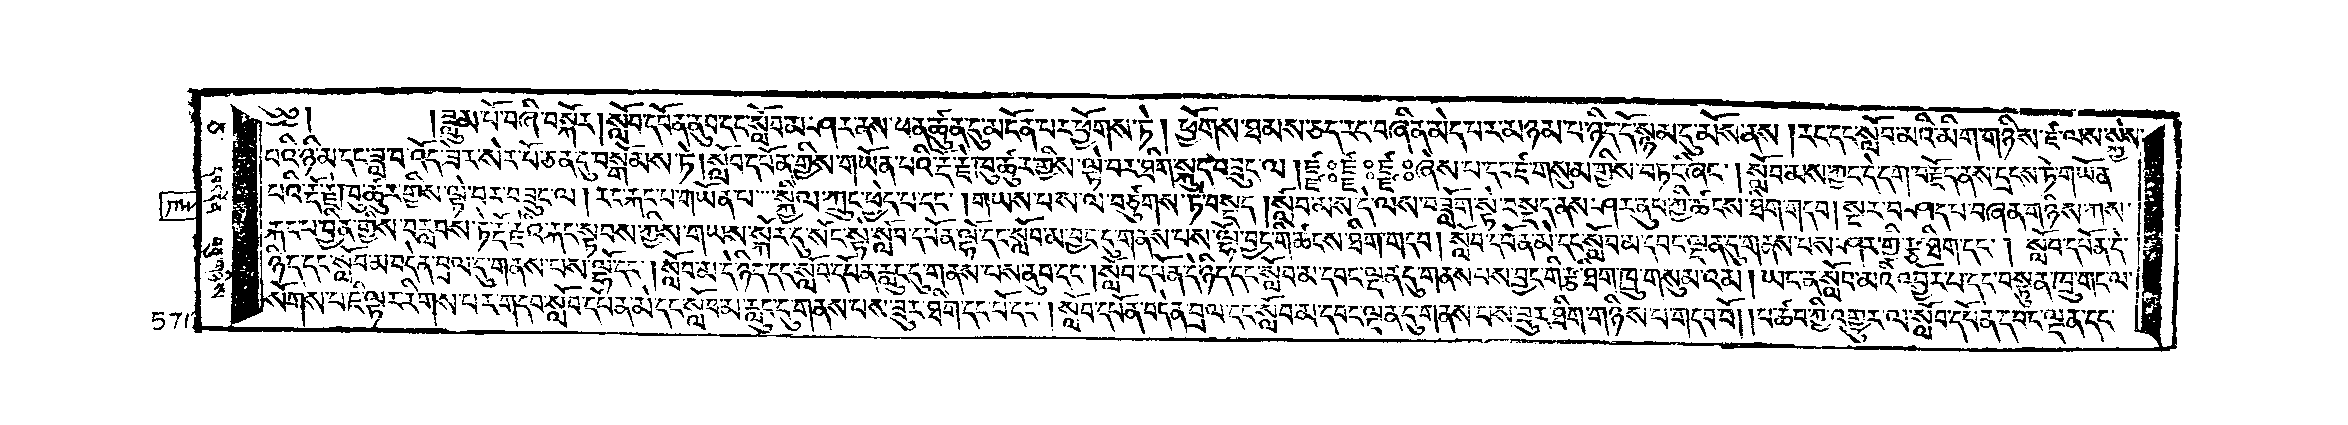༄༅། །ཟླུམ་པོ་བཞི་བསྐོར། སློབ་དཔོན་ནུབ་དང་སློབ་མ་ཤར་ནས་ཕན་ཚུན་དུ་མངོན་པར་ཕྱོགས་ཏེ། ཕྱོགས་ཐམས་ཅད་རང་བཞིན་མེད་པར་མཉམ་པ་ཉིད་དོ་སྙམ་དུ་མོས་ནས། རང་དང་སློབ་མའི་མིག་གཉིས་ཛ་ལས་སྐྱེས་
པའི་ཉི་མ་དང་ཟླ་བ་འོད་ཟེར་སེར་པོ་ཅན་དུ་བསྒོམས་ཏེ། སློབ་དཔོན་གྱིས་གཡོན་པའི་རྡོ་རྗེ་ཁུ་ཚུར་གྱིས་ལྟེ་བར་ཐིག་སྐུད་བཟུང་ལ། ཛྫཿ ཛྫཿ ཛྫཿ ཞེས་པ་དང་ཛ་གསུམ་གྱིས་བཏང་ཞིང་། སློབ་མས་ཀྱང་དེ་དག་བརྗོད་ནས་དྲངས་ཏེ་གཡོན་
པའི་རྡོ་རྗེ་ཁུ་ཚུར་གྱིས་ལྟེ་བར་བཟུང་ལ། རང་རྐང་པ་གཡོན་པ་སྐྱིལ་ཀྲུང་ཕྱེད་པ་དང་། གཡས་པ་ས་ལ་བཙུགས་ཏེ་བསྡད། སློབ་མས་དེ་ལས་བཟློག་སྟེ་བསྡད་ནས་ཤར་ནུབ་ཀྱི་ཚངས་ཐིག་གདབ། སྔར་བཤད་པ་བཞན་གཉིས་ཀས་
རྐང་པ་བྱིན་གྱིས་བརླབས་ཏེ་རྡོ་རྗེའི་རྐང་སྟབས་ཀྱིས་གཡས་སྐོར་དུ་སོང་སྟེ་སློབ་དཔོན་ལྷོ་དང་སློབ་མ་བྱང་དུ་གནས་པས་ལྷོ་བྱང་གི་ཚངས་ཐིག་གདབ། སློབ་དཔོན་མེ་དང་སློབ་མ་དབང་ལྡན་དུ་གནས་པས་ཤར་གྱི་རྩ་ཐིག་དང་། སློབ་དཔོན་དེ་
ཉིད་དང་སློབ་མ་བདེན་བྲལ་དུ་གནས་པས་ལྷོ་དང་། སློབ་མ་དེ་ཉིད་དང་སློབ་དཔོན་རླུང་དུ་གནས་པས་ནུབ་དང་། སློབ་དཔོན་དེ་ཉིད་དང་སློབ་མ་དབང་ལྡན་དུ་གནས་པས་བྱང་གི་རྩ་ཐིག་ཁྲུ་གསུམ་འམ། ཡང་ན་སློབ་མའི་འབྱོར་པ་དང་བསྟུན་ཁྲུ་གང་ལ་
སོགས་པ་ཇི་ལྟར་རིགས་པར་གདབ་སློབ་དཔོན་མེ་དང་སློབ་མ་རླུང་དུ་གནས་པས་ཟུར་ཐིག་དང་པོ་དང་། སློབ་དཔོན་བདེན་བྲལ་དང་སློབ་མ་དབང་ལྡན་དུ་གནས་པས་ཟུར་ཐིག་གཉིས་པ་གདབ་བོ། །པ་ཚབ་ཀྱི་འགྱུར་ལ་སློབ་དཔོན་དབང་ལྡན་དང་